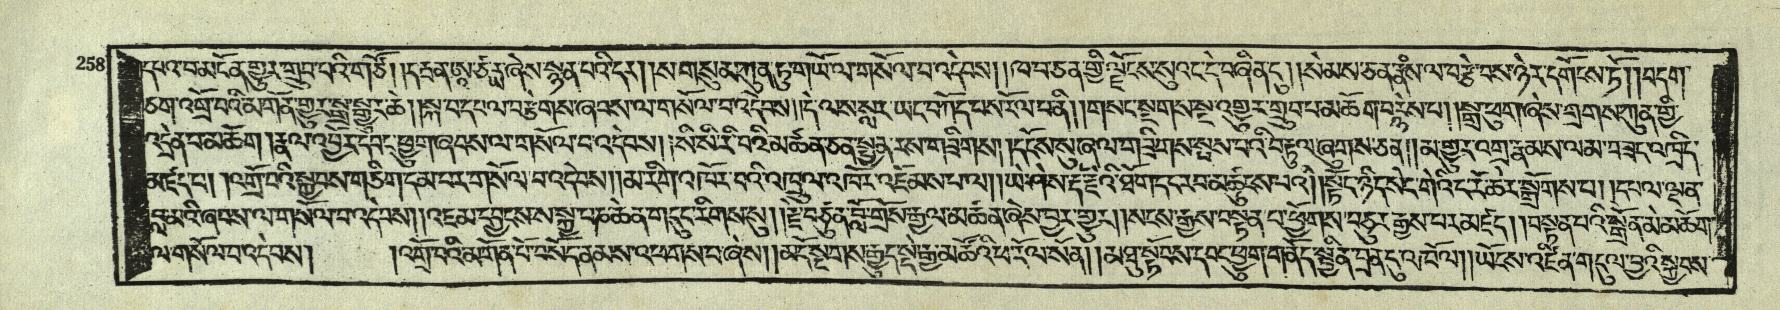དཔའ་བ་མངོན་གྱུར་གྲུབ་པའི་གཙོ། །དརྦན་ཨཱ་ཙ་རྱ་ཞེས་སྙན་པའི་དར། །ས་གསུམ་ཀུན་ཏུ་གཡོ་ལ་གསོལ་བ་འདེབས། །ཁ་བ་ཅན་གྱི་ལྗོངས་སུའང་དེ་བཞིན་དུ། །སེམས་ཅན་རྣཾས་ལ་བརྩེ་བས་ཉེར་དགོངས་ཏོ། །བདག་
ཅག་འགྲོ་བའི་མགོན་གྱུར་སྒྲ་སྒྱུར་ཆེ། །སྐ་བ་དཔལ་བརྩེགས་ཞབས་ལ་གསོལ་བ་འདེབས། །དེ་ལས་སླར་ཡང་བཀོད་པས་རོལ་པ་ནི། །གསང་སྔགས་སྔ་འགྱུར་གྲུབ་པ་མཆོག་བརྙེས་པ། །སྒྲ་ཕུག་ཞེས་གྲགས་ཀུན་གྱི་
འདྲེན་པ་མཆོག །རྣལ་འབྱོར་དབང་ཕྱུག་ཞབས་ལ་གསོལ་བ་འདེབས། །སི་སི་རི་བའི་མཚན་ཅན་སྤྱན་རས་གཟིགས། །དངོས་སུ་ཞལ་གཟིགས་སྤས་པའི་བརྟུལ་ཞུགས་ཅན། །མ་གྱུར་འགྲ་རྣམས་ལམ་བཟང་འཁྲིད་
མཛད་པ། །འགྲོ་བའི་སྐྱབས་གཅིག་དམ་པར་གསོལ་བ་འདེབས། །མ་རིག་འཁོར་བའི་འཁྲུལ་འཁོར་འཇོམས་པ་ལ། །ཡེ་ཤེས་རྡོ་རྗེའི་ཐོག་དང་རབ་མཚུངས་པའི། །སྟོང་ཉིད་སེང་གེའི་ང་རོ་ཆེར་སྒྲོགས་པ། །དཔལ་ལྡན་
བླ་མའི་ཞབས་ལ་གསོལ་བ་འདེབས། །འཇམ་དབྱངས་ས་སྐྱ་པཎ་ཆེན་གདུང་རིགས་སུ། །རྗེ་བཙུན་བློ་གྲོས་རྒྱལ་མཚན་ཞེས་བྱར་གྱུར། །སངས་རྒྱས་བསྟན་པ་ཕྱོགས་བཅུར་རྒྱས་པར་མཛད། །བསྟན་པའི་སྒྲོན་མེ་མཆོག་
ལ་གསོལ་བ་འདེབས། །འགྲོ་བའི་མགོན་པོ་བསོད་ནམས་འཕགས་པ་ཞེས། །མདོ་སྔགས་རྒྱུད་སྡེ་རྒྱ་མཚོའི་ཕ་རོལ་སོན། །མཐུ་སྟོབས་དབང་ཕྱུག་གནོད་སྦྱིན་བྲན་དུ་འཁོལ། །ཡོངས་འཛིན་གདུལ་བྱའི་སྐྱབས་